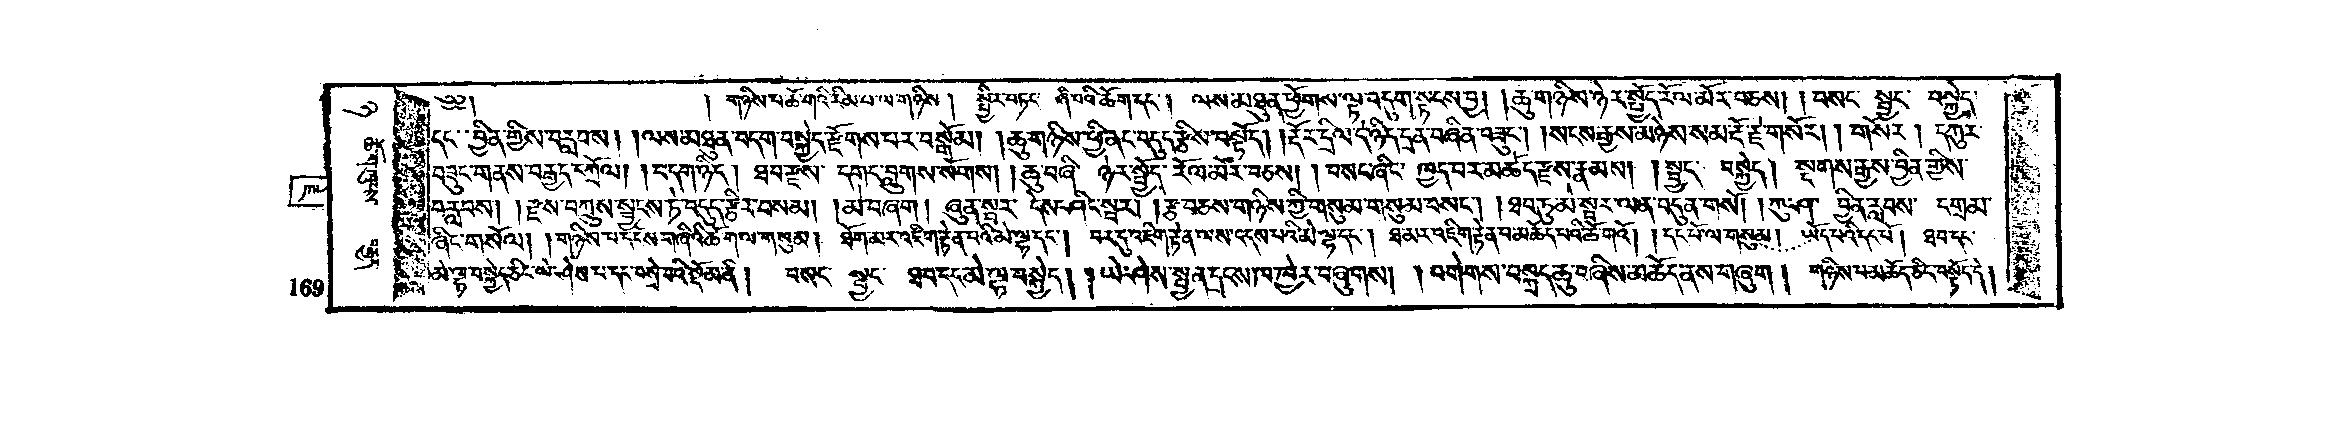༄༅། །གཉིས་པ་ཆོ་གའི་རིམ་པ་ལ་གཉིས། སྤྱིར་བཏང་ཞི་བའི་ཆོ་ག་དང་། ལས་མཐུན་ཕྱོགས་ལྟ་འདུག་སྟངས་བྱ། །ཆུ་གཉིས་ཉེར་སྤྱོད་རོལ་མོར་བཅས། །བསང་སྦྱང་བསྐྱེད་
དང་བྱིན་གྱིས་བརླབས། །ལས་མཐུན་བདག་བསྐྱེད་རྫོགས་པར་བསྒོམ། །ཆུ་གཉིས་ཕྱི་ནང་བདུད་རྩིས་བསྟོད། །རྡོར་དྲིལ་དེ་ཉིད་དྲན་བཞིན་བཟུང་། །སངས་རྒྱས་མཉེས་སམ་རྡོ་རྗེ་གསོར། །གསོར། དཀུར་
བཟུང་གནས་བརྒྱད་དཀྲོལ། །བདག་ཉིད། ཐབ་རྫས་དགང་བླུགས་སོགས། །ཆུ་བཞི་ཉེར་སྤྱོད་རོལ་མོར་བཅས། །བསང་ཞིང་ཁྱད་པར་མཆོད་རྫས་རྣམས། །སྦྱང་བསྐྱེད། སྔགས་རྒྱས་བྱིན་གྱིས་
བརླབས། །རྫས་བཀྲུས་སྦྱངས་ཏེ་བདུད་རྩིར་བསམ། །མེ་བཞག །ཞུན་སྤར་དེས་ཤིང་སྦར། །རྩ་བཅས་གཉིས་ཀྱི་གསུམ་གསུམ་བསང་། །ཐབ་ཏུ་མེ་སྦར་ལན་བདུན་གསོ། །ཀུ་ཤ་བྱིན་རླབས་དགྲམ་
ཞིང་གསོལ། །གཉིས་པ་དངོས་གཞིའི་ཆོ་ག་ལ་གསུམ། ཐོག་མར་འཇིག་རྟེན་པའི་མེ་ལྷ་དང་། བར་དུ་འཇིག་རྟེན་ལས་འདས་པའི་མེ་ལྷ་དང་། ཐ་མར་འཇིག་རྟེན་པ་མཆོད་པའི་ཆོ་གའོ། །དང་པོ་ལ་གསུམ། ཡོད་པའི་དང་པོ། ཐབ་དང་
མེ་ལྷ་བསྐྱེད་ཅིང་ཡེ་ཤེས་པ་དང་བསྲེ་བའི་སྡོམ་ནི། བསང་སྦྱང་ཐབ་དང་མེ་ལྷ་བསྐྱེད། །ཡེ་ཤེས་སྤྱན་དྲངས་ཁ་ཁྱེར་བཞུགས། །བགེགས་བསྐྲད་ཆུ་བཞིས་མཆོད་ནས་གཞུག །གཉིས་པ་མཆོད་ཅིང་བསྟོད་དེ།